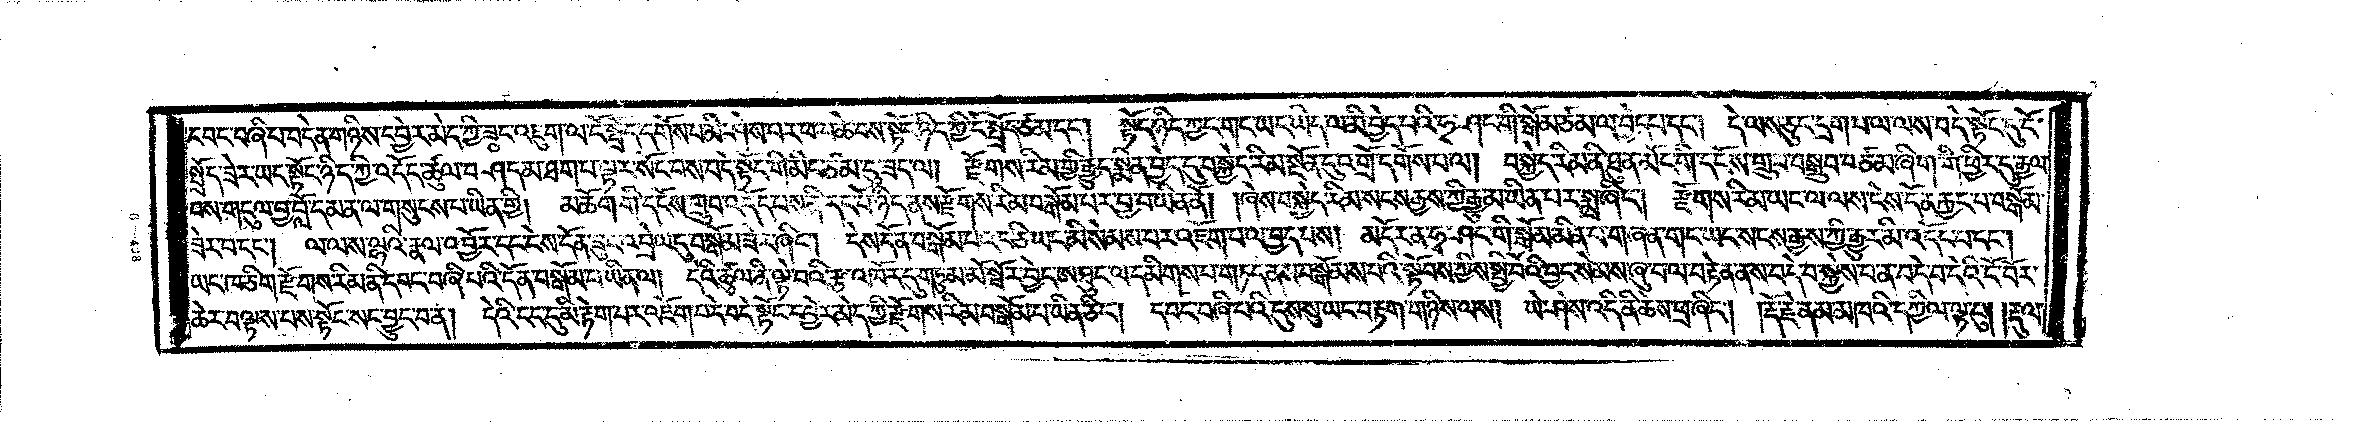དབང་བཞི་པ་བདེན་གཉིས་དབྱེར་མེད་ཀྱི་ཟང་འཇུག་ལ་ངོ་སྤྲོད་དགོས་པ་མི་ཤེས་པར་ཕལ་ཆེ་བས་སྟོང་ཉིད་ཀྱི་ངོ་སྤྲོད་ཙམ་དང་། སྟོང་ཉིད་ཀྱང་གང་ཡང་ཡིད་ལ་མི་བྱེད་པའི་ཧ་ཤང་གི་སྒོམ་ཙམ་ལ་བྱེད་པ་དང་། དེ་ལས་ཅུང་དྲག་པ་ལ་ལས་བདེ་སྟོང་དུ་ངོ་
སྤྲོད་ཟེར་ཡང་སྟོང་ཉིད་ཀྱི་འདོད་ཚུལ་བཤད་མ་ཐག་པ་ལྟར་སོང་བས་བདེ་སྟོང་གི་མིང་ཙམ་དུ་ཟད་ལ། རྫོགས་རིམ་གྱི་རྒྱུད་སྨིན་བྱེད་དུ་བསྐྱེད་རིམ་སྔོན་དུ་འགྲོ་དགོས་པ་ལ། བསྐྱེད་རིམ་ནི་ཐུན་མོང་གི་དངོས་གྲུབ་བསྒྲུབ་པ་ཙམ་ཞིག་གི་ཕྱིར་དུ་རྒྱལ་
བས་གདུལ་བྱ་བློ་དམན་ལ་གསུངས་པ་ཡིན་གྱི། མཆོག་གི་དངོས་གྲུབ་འདོད་པས་ནི་དང་པོ་ཉིད་ནས་རྫོགས་རིམ་བསྒོམ་པར་བྱ་བ་ཡིན་ནོ། །ཞེས་བསྐྱེད་རིམ་སངས་རྒྱས་ཀྱི་རྒྱུ་མ་ཡིན་པར་སྨྲ་ཞིང་། རྫོགས་རིམ་ཡང་ལ་ལས་ངེས་དོན་རྐྱང་པ་བསྒོམ་
ཟེར་བ་དང་། ལ་ལས་ལྷའི་རྣལ་འབྱོར་དང་ངེས་དོན་ཟུང་འབྲེལ་དུ་བསྒོམ་ཟེར་ཞིང་། དེས་དོན་བསྒོམ་པའང་ཅི་ཡང་མི་སེམས་པར་འཇོག་པ་ལ་བྱད་པས། མདོར་ན་ཧྭ་ཤང་གི་སྒོམ་མིན་པ་གཞན་གང་ཡང་སངས་རྒྱས་ཀྱི་རྒྱུར་མི་འདོད་པ་དང་།
ཡང་ཁ་ཅིག་རྫོགས་རིམ་ནི་དབང་བཞི་པའི་དོན་བསྒོམ་པ་ཡིན་ལ། དེའི་ཚུལ་ནི་ལྟེ་བའི་རྩ་འཁོར་དུ་གཏུམ་མོ་སྤོར་བྱེད་ཨ་ཐུང་ལ་དམིགས་པ་གཏད་ནས་བསྒོམས་པའི་སྟོབས་ཀྱིས་སྤྱི་བོའི་བྱང་སེམས་ཞུ་བ་ལ་བརྟེན་ནས་བདེ་བ་སྐྱེས་པ་ན་བདེ་བ་དེའི་ངོ་བོར་
ཆེར་བལྟས་པས་སྟོང་སང་བྱུང་བ་ན། དེའི་ངང་དུ་མི་རྟེག་པར་འཇོག་བདེ་བདེ་སྟོང་དབྱེར་མེད་ཀྱི་རྫོགས་རིམ་བསྒོམ་པ་ཡིན་ཅིང་། དབང་བཞི་པའི་དུས་སུ་ཡང་བརྟག་གཉིས་ལས། ཡེ་ཤེས་འདི་ནི་ཆེས་ཕྲ་ཞིང་། །རྡོ་རྗེ་ནམ་མཁའི་དཀྱིལ་ལྟ་བུ། །རྡུལ་